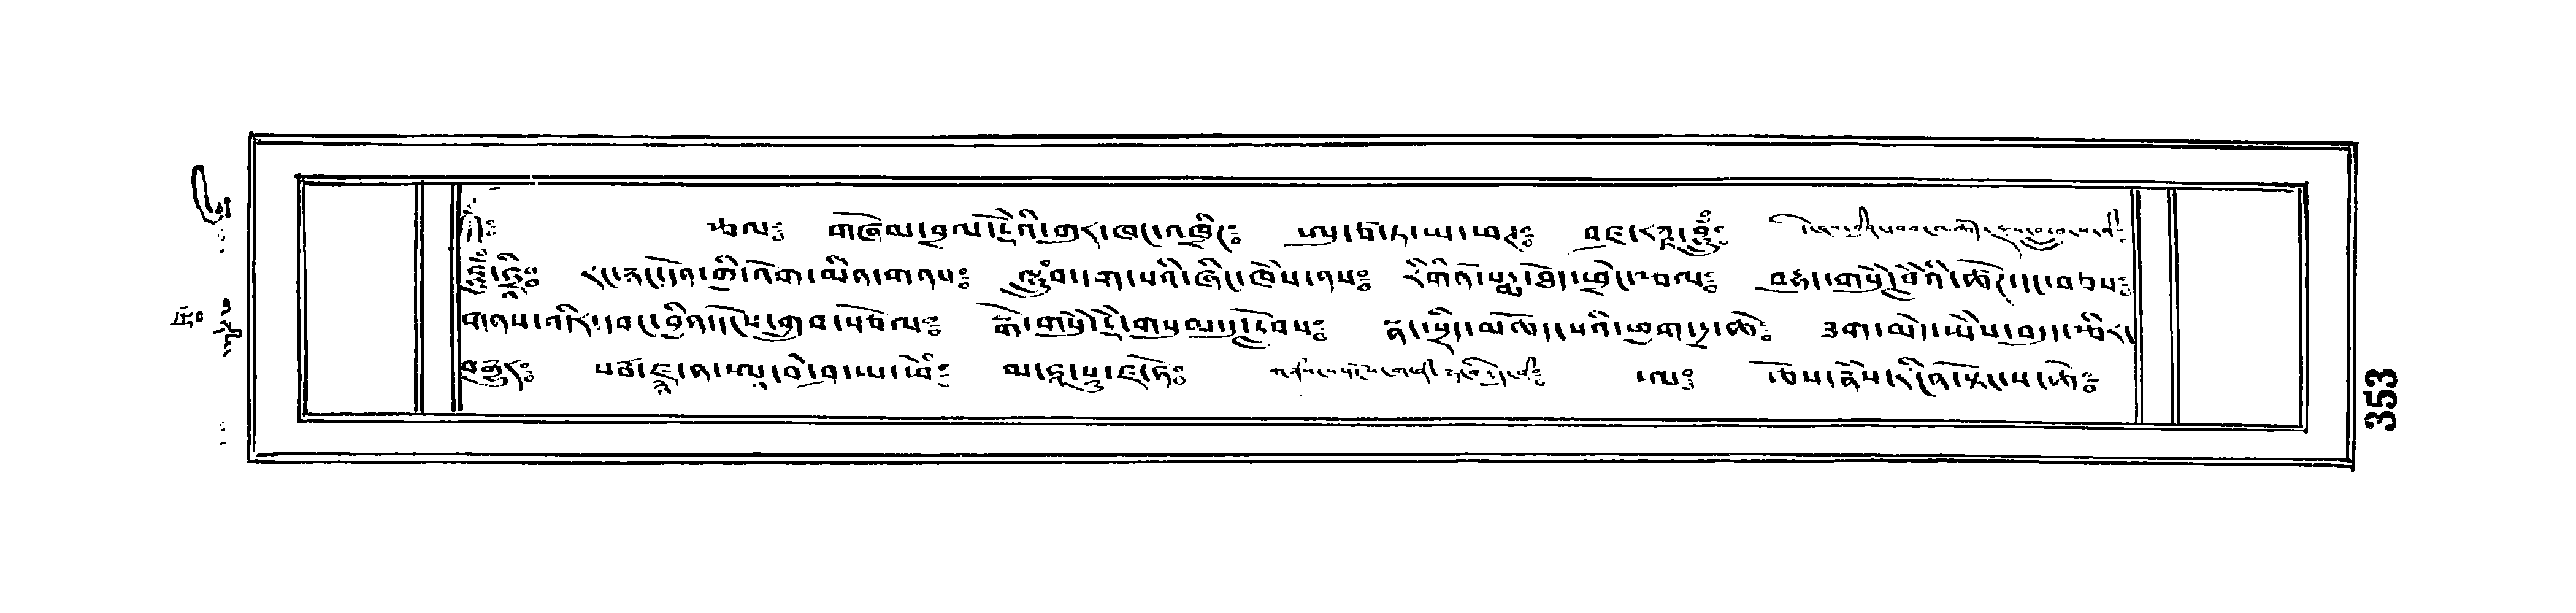རྩལ༔ གཞོམ་བྲལ་རྡོ་རྗེའི་གུར་ཁང་འཁྲིགས༔ ཨུ་ཙ་ཏ་ཡ་ཕཊ༔ བཛྲ་རཀྵ་བྷྲུྃཿ དེ་ནས་བྱིན་དབབ་མཆོད་རྫས་བརླབ་པ་ནི༔ 
ཧཱུྃ་ཧྲཱིཿ རང་སྣང་དོན་གྱི་འོག་མིན་གནས༔ ལྷུན་གྲུབ་དག་པའི་ཞིང་ཁམས་ནས༔ རིག་འཛིན་པདྨ་ཐོད་ཕྲེང་རྩལ༔ བརྒྱུད་གསུམ་བླ་མའི་ཚོགས་དང་བཅས༔ 
གནས་འདིར་དབང་བྱིན་དངོས་གྲུབ་སྩོལ༔ སྒོ་གསུམ་རྡོ་རྗེ་གསུམ་དུ་རློབས༔ སྣང་སྲིད་མཆོད་པའི་ཕྱག་རྒྱ་ཆེ༔ ཟག་མེད་ཡེ་ཤེས་བདུད་རྩིར་
བསྒྱུར༔ སརྦ་ཛྙཱ་ན་ཨཱ་བེ་ཤ་ཡ་ཕེཾ༔ མ་ཧཱ་པཱུ་ཛ་ཧོཿ གཉིས་པ་དངོས་གཞི་ལྷ་བསྐྱེད་ནི༔ ཨཱཿ ཆོས་རྣམས་རང་བཞིན་སྟོང་པ་ཆེ༔